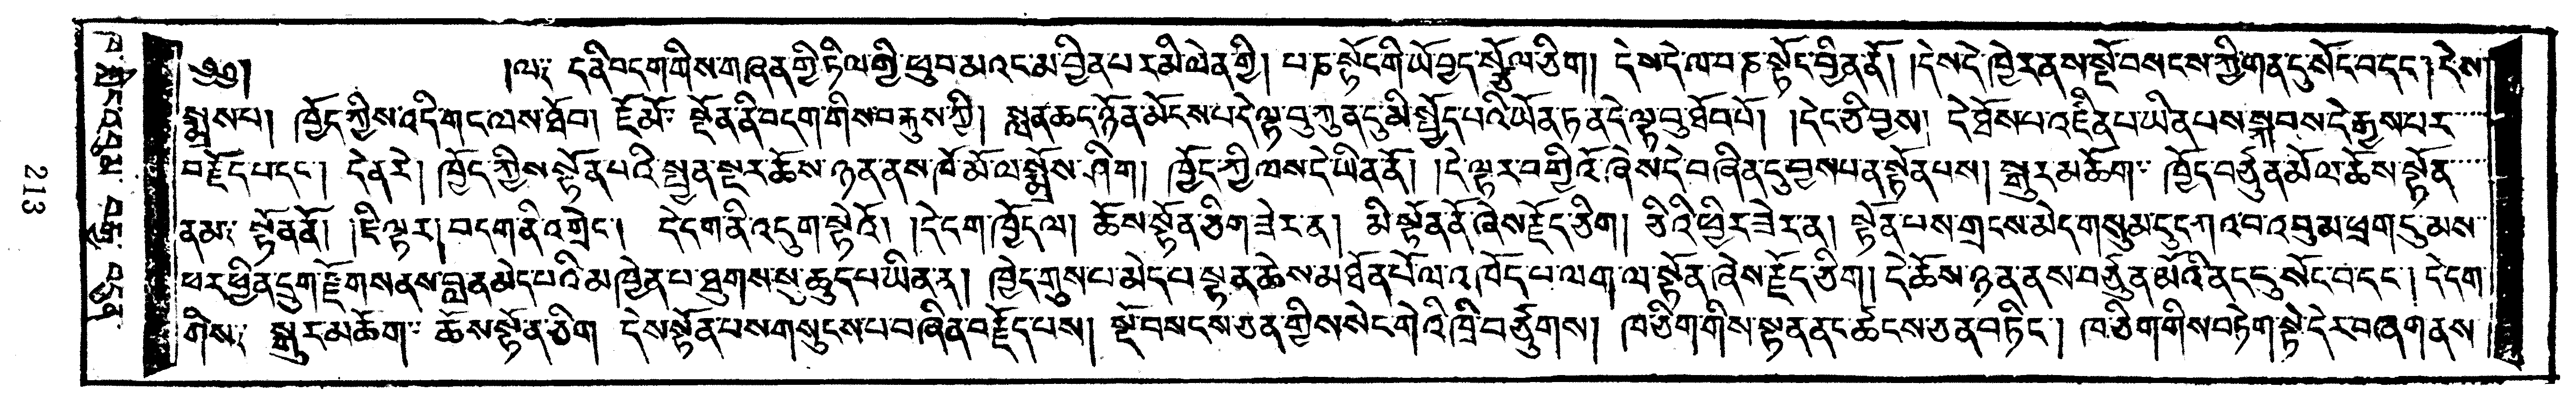༄༅། །ལ༑ ད་ནི་བདག་གིས་གཞན་གྱི་ཏིལ་གྱི་ཕུབ་མའང་མ་བྱིན་པར་མི་ལེན་གྱི། པཎ་སྟོང་གི་ཡོ་བྱད་སྩོལ་ཅིག། དེས་དེ་ལ་བ་ཎ་སྟོང་བྱིན་ནོ། །དེས་དེ་ཁྱེར་ནས་སྔོ་བསངས་ཀྱི་གན་དུ་སོང་བ་དང་། དེས་
སྨྲས་པ། ཁྱོད་ཀྱིས་འདི་གང་ལས་ཐོབ། ཇོ་མོ༑ སྔོན་ནི་བདག་གིས་བརྐུས་ཀྱི། སླན་ཆད་ཉོན་མོངས་པ་དེ་ལྟ་བུ་ཀུན་དུ་མི་སྤྱོད་པའི་ཡོན་ཏན་དེ་ལྟ་བུ་ཐོབ་པོ། །དེང་ཅི་བྱས། དེ་ཐོས་པ་འཛིན་པ་ཡིན་པས་སྐབས་དེ་རྒྱས་པར་
བརྗོད་པ་དང་། དེ་ན་རེ། ཁྱོད་ཀྱིས་སྟོན་པའི་སྤྱན་སྔར་ཆོས་ཉན་ནས་ཁོ་མོ་ལ་སྨྲོས་ཤིག། ཁྱོད་ཀྱི་ལས་དེ་ཡིན་ནོ། །དེ་ལྟར་བགྱིའོ་ཞེས་དེ་བཞིན་དུ་བྱས་པ་ན་སྟོན་པས། སྒུར་མཆོག༑ ཁྱོད་བཙུན་མོ་ལ་ཆོས་སྟོན་
ནམ༑ སྟོན་ནོ། །ཇི་ལྟར། བདག་ནི་འགྲེང་། དེ་དག་ནི་འདུག་སྟེའོ། །དེ་དག་ཁྱོད་ལ། ཆོས་སྟོན་ཅིག་ཟེར་ན། མི་སྟོན་ནོ་ཞེས་རྗོད་ཅིག །ཅིའི་ཕྱིར་ཟེར་ན། སྟོན་པས་གྲངས་མེད་གསུམ་དུ་དཀའ་བ་འབུམ་ཕྲག་དུ་མས་
ཕར་ཕྱིན་དྲུག་རྫོགས་ནས་བླ་ན་མེད་པའི་མཁྱེན་པ་ཐུགས་སུ་ཆུད་པ་ཡིན་ན། ཁྱེད་གུས་པ་མེད་པ་སྟན་ཆེས་མཐོན་པོ་ལ་འཁོད་པ་ལག་ལ་སྟོན་ཞེས་རྗོད་ཅིག །དེ་ཆོས་ཉན་ནས་བཙུན་མོའི་ནང་དུ་སོང་བ་དང་། དེ་དག་
གིས༑ སྒུར་མཆོག་ཆོས་སྟོན་ཅིག་དེས་སྟོན་པས་གསུངས་པ་བཞིན་བརྗོད་པས། སྡོ་བསངས་ཅན་གྱིས་སེང་གེའི་ཁྲི་བཙུགས། ཁ་ཅིག་གིས་སྟན་ནང་ཚངས་ཅན་བཏིང་། ཁ་ཅིག་གིས་བཏེག་སྟེ་དེར་བཞག་ནས་